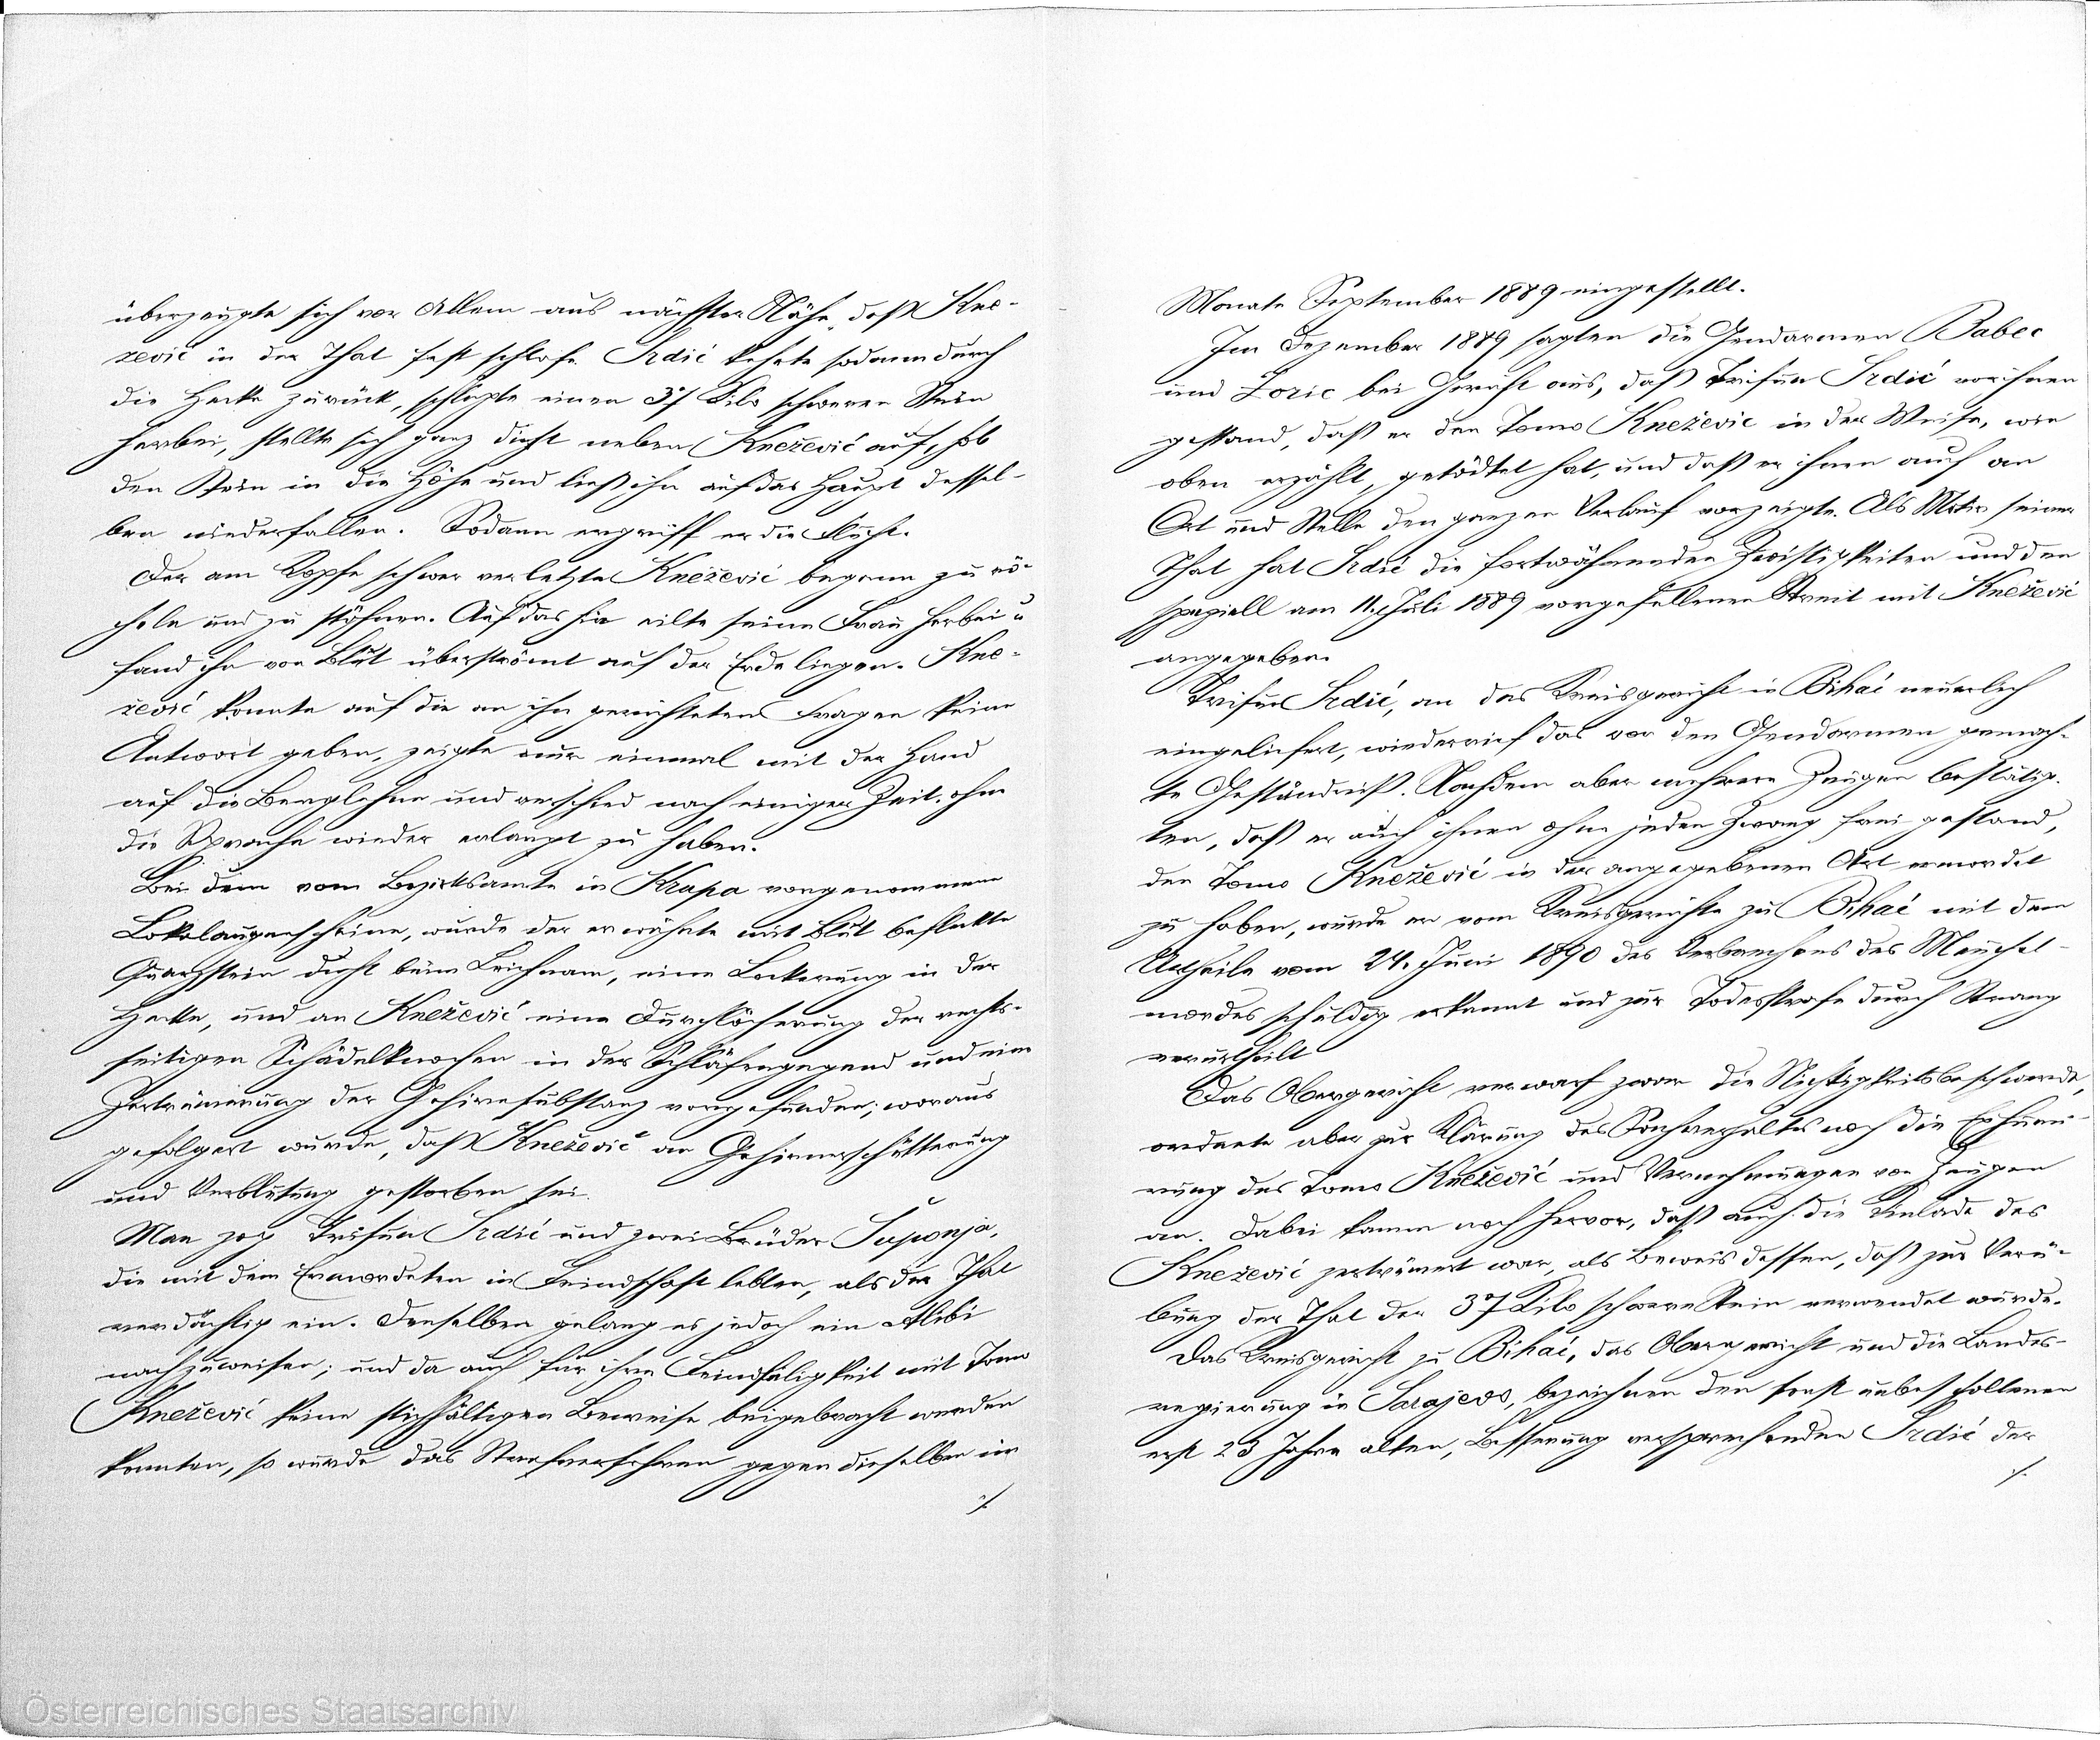überzeugte sich vor Allem aus nächster Nähe, daß Kne¬
zevic in der That fest schlafe. Srdić kehrte sodann durch
die Hecke zurück, schlepte einen 3°f Kilo schweren Stein
herbei, stellte sich ganz dicht neben Knežević auf, hob
den Stein in die Höhe und ließ ihn auf das Haupt dessel¬
ben niederfallen. Sodann vergriff er die Flucht.
Der am Kopfe schwer verletzte Knežević begann zu rö¬
cheln und zu stöhnen. Auf das hin eilte seine Frau herbei u
fand ihn von Blut überströmt auf der Erde liegen. Kne¬
žević konnte auf die an ihn gerichteten Fragen keine
Antwort geben, zeigte nur einmal mit der Hand
auf die Berglehen und verschied nach einiger Zeit, ohne
die Sprache wieder erlangt zu haben.
Bei dem vom Bezirkamte in Krupa vorgenommene
Lokalaugescheine, wurde der er wähnte mit Blut bestellte
Quarzstein dicht beim Leichnam, eine Lockerung in der
Hatte, und an Knežević eine Durchlöcherung der rechts¬
seitigen Schädelknochen in der Schläfengegend und eine
Zertrümerung der Gehirnsubstanz vorgefunden; woraus
gefolgert wurde, daß Knežević an Gehirnerschütterung
und Verblutung gestorben sei.
Man zog xx Srdić und zwei Brüder Suponja,
die mit dem Ermordeten in Friedschaft lebten, als der That
verdächtig ein. Denselben gelang es jedoch ein Alibi
nach zuweisen; und da auch für ihre xxfäligkeit mit xx
Knežević keine stichhältigen Beweise beigebracht werden
konnten, so wurde das Strafverfahren gegen dieselben im
Monate September 1889 eingestellt.
Jm Dezember 1889 sagten die Gendarmen Babec
und Zoric bei Gericht aus, daß Trifun Srdić xx
gestand, daß er den Tomo Kneževic in der Weise, wie
oben erzählt, getödtet hat, und daß er ihnen auch an
Ort und Stelle den ganzen Verlauf vorzeigte. Als Motiv seiner
That hat Srdić die fortwähnenden Zwistigkeiten und den
speziell am 11. Juli 1889 vorgefallenen Streit mit Knežević
angegeben.
Trifun Srdić, an das Kreisgericht in Bihać neuerlich
eingeliefert, wiederrief das vor den Gendarmen gemach¬
te Geständniß. Nachdem aber mehrere Zeugen bestätig¬
ten, daß er auch ihnen ohne jeden Zwang frei gestand,
den Tomo Knežević in der angegebenen Art ermordet
zu haben, wurde er vom Kreisgerichte zu Bihać mit dem
Urtheile vom 24. Juni 1890 des Verbrechens des Meuchel¬
mordes schuldig erkannt und zur Todesstrafe durch Strang
verurtheilt
Das Obergericht verwarf zwar die Nichtigkeitsbeschwerde,
ordnete aber zur Klärung des Sachverhaltes noch die Epxx¬
rung des Toms Knežević und Vernehmungen von Zeugen
an. Dabei kamm noch hervor, daß auch die Kinlade des
Knežević zertrümert war, als Beweis dessen, daß zur Verü¬
bung der That der 3°f Kilo schwere Stein verwendet wurde.
Das Kreisgericht zu Bihać, das Obergericht und die Landes¬
regierung in Sarajevo, bezeichnen den sonst unbescholtenen
erst 23 Jahre alten, Besserung versprechenden Srdić der